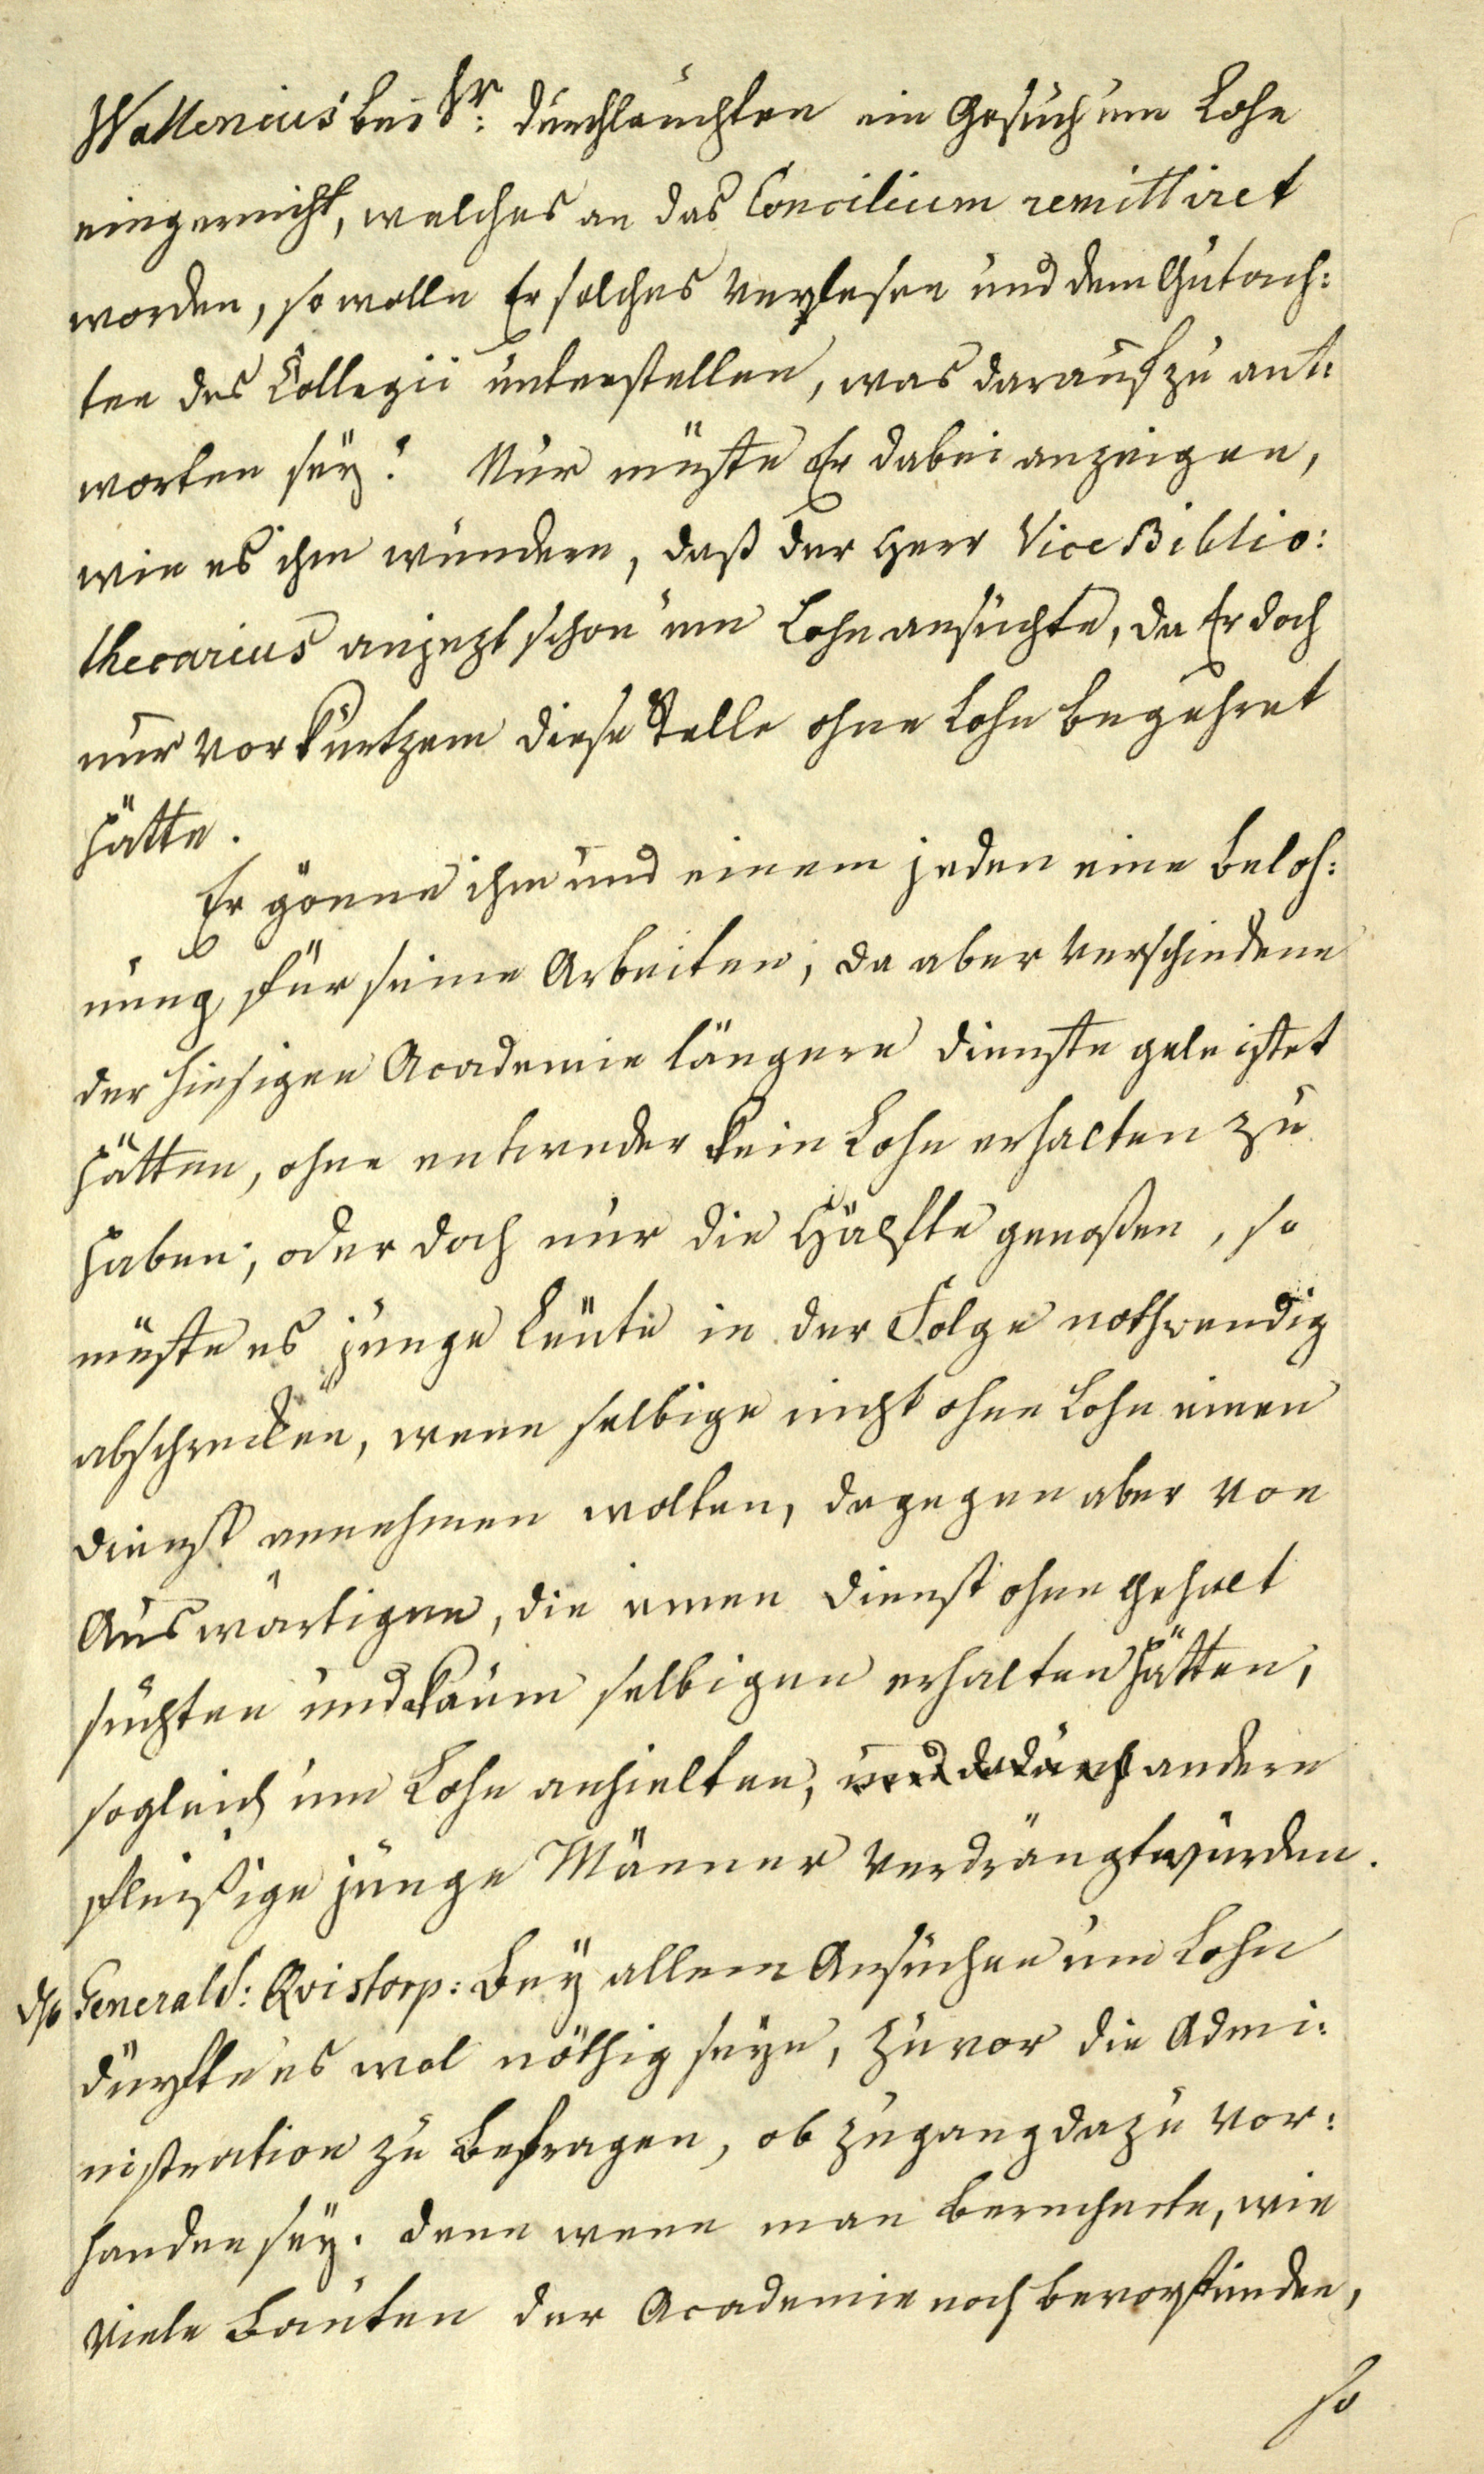Wallenius bei Sr. Durchlauchten ein Gesuch um Lohn
eingereicht, welches an das Concilium remittiret
worden, so wolle Er solches verlesen und dem Gutach¬
ten des Collegii unterstellen, was darauf zu ant¬
worden seÿ? Nun müste Er dabei anzeigen,
wie es ihm wundere, daß der Herr ViceBiblio¬
thecarius anjezt schon um Lohn ansuchte, da Er doch
nur vor kurtzem diese Stelle ohne Lohn begehret
hätte
Er gönne ihm und einem jeden eine Beloh¬
nung für seine Arbeiten, da aber verschiedene
der hiesigen Academie längere dienste geleistet
hätten, ohne entweder kein Lohn erhalten zu
haben, oder doch nur die Hälfte genoßen, so
müste es junge Leute in der Folge nothwendig
abschrecken, wenn selbige nicht ohne Lohn einen
Dienst annehmen wolten, dagegen aber von
Auswärtigen, die einen Dienst ohne Gehalt
suchten und kaum selbigen erhalten hätten,
sogleich um Lohn anhielten; und dadurch andere
fleißige junge Männer verdrängt würden.
dh GeneralS. Quistorp. Beÿ allem Ansuchen um Lohn
dürfte es wol nöthig seÿn, zuvor die Admi¬
nistration zu befragen, ob Zugang dazu vor¬
handen seÿ. denn wenn man berechnete, wie
viele Bauten der Academie noch bevorstünden,
so